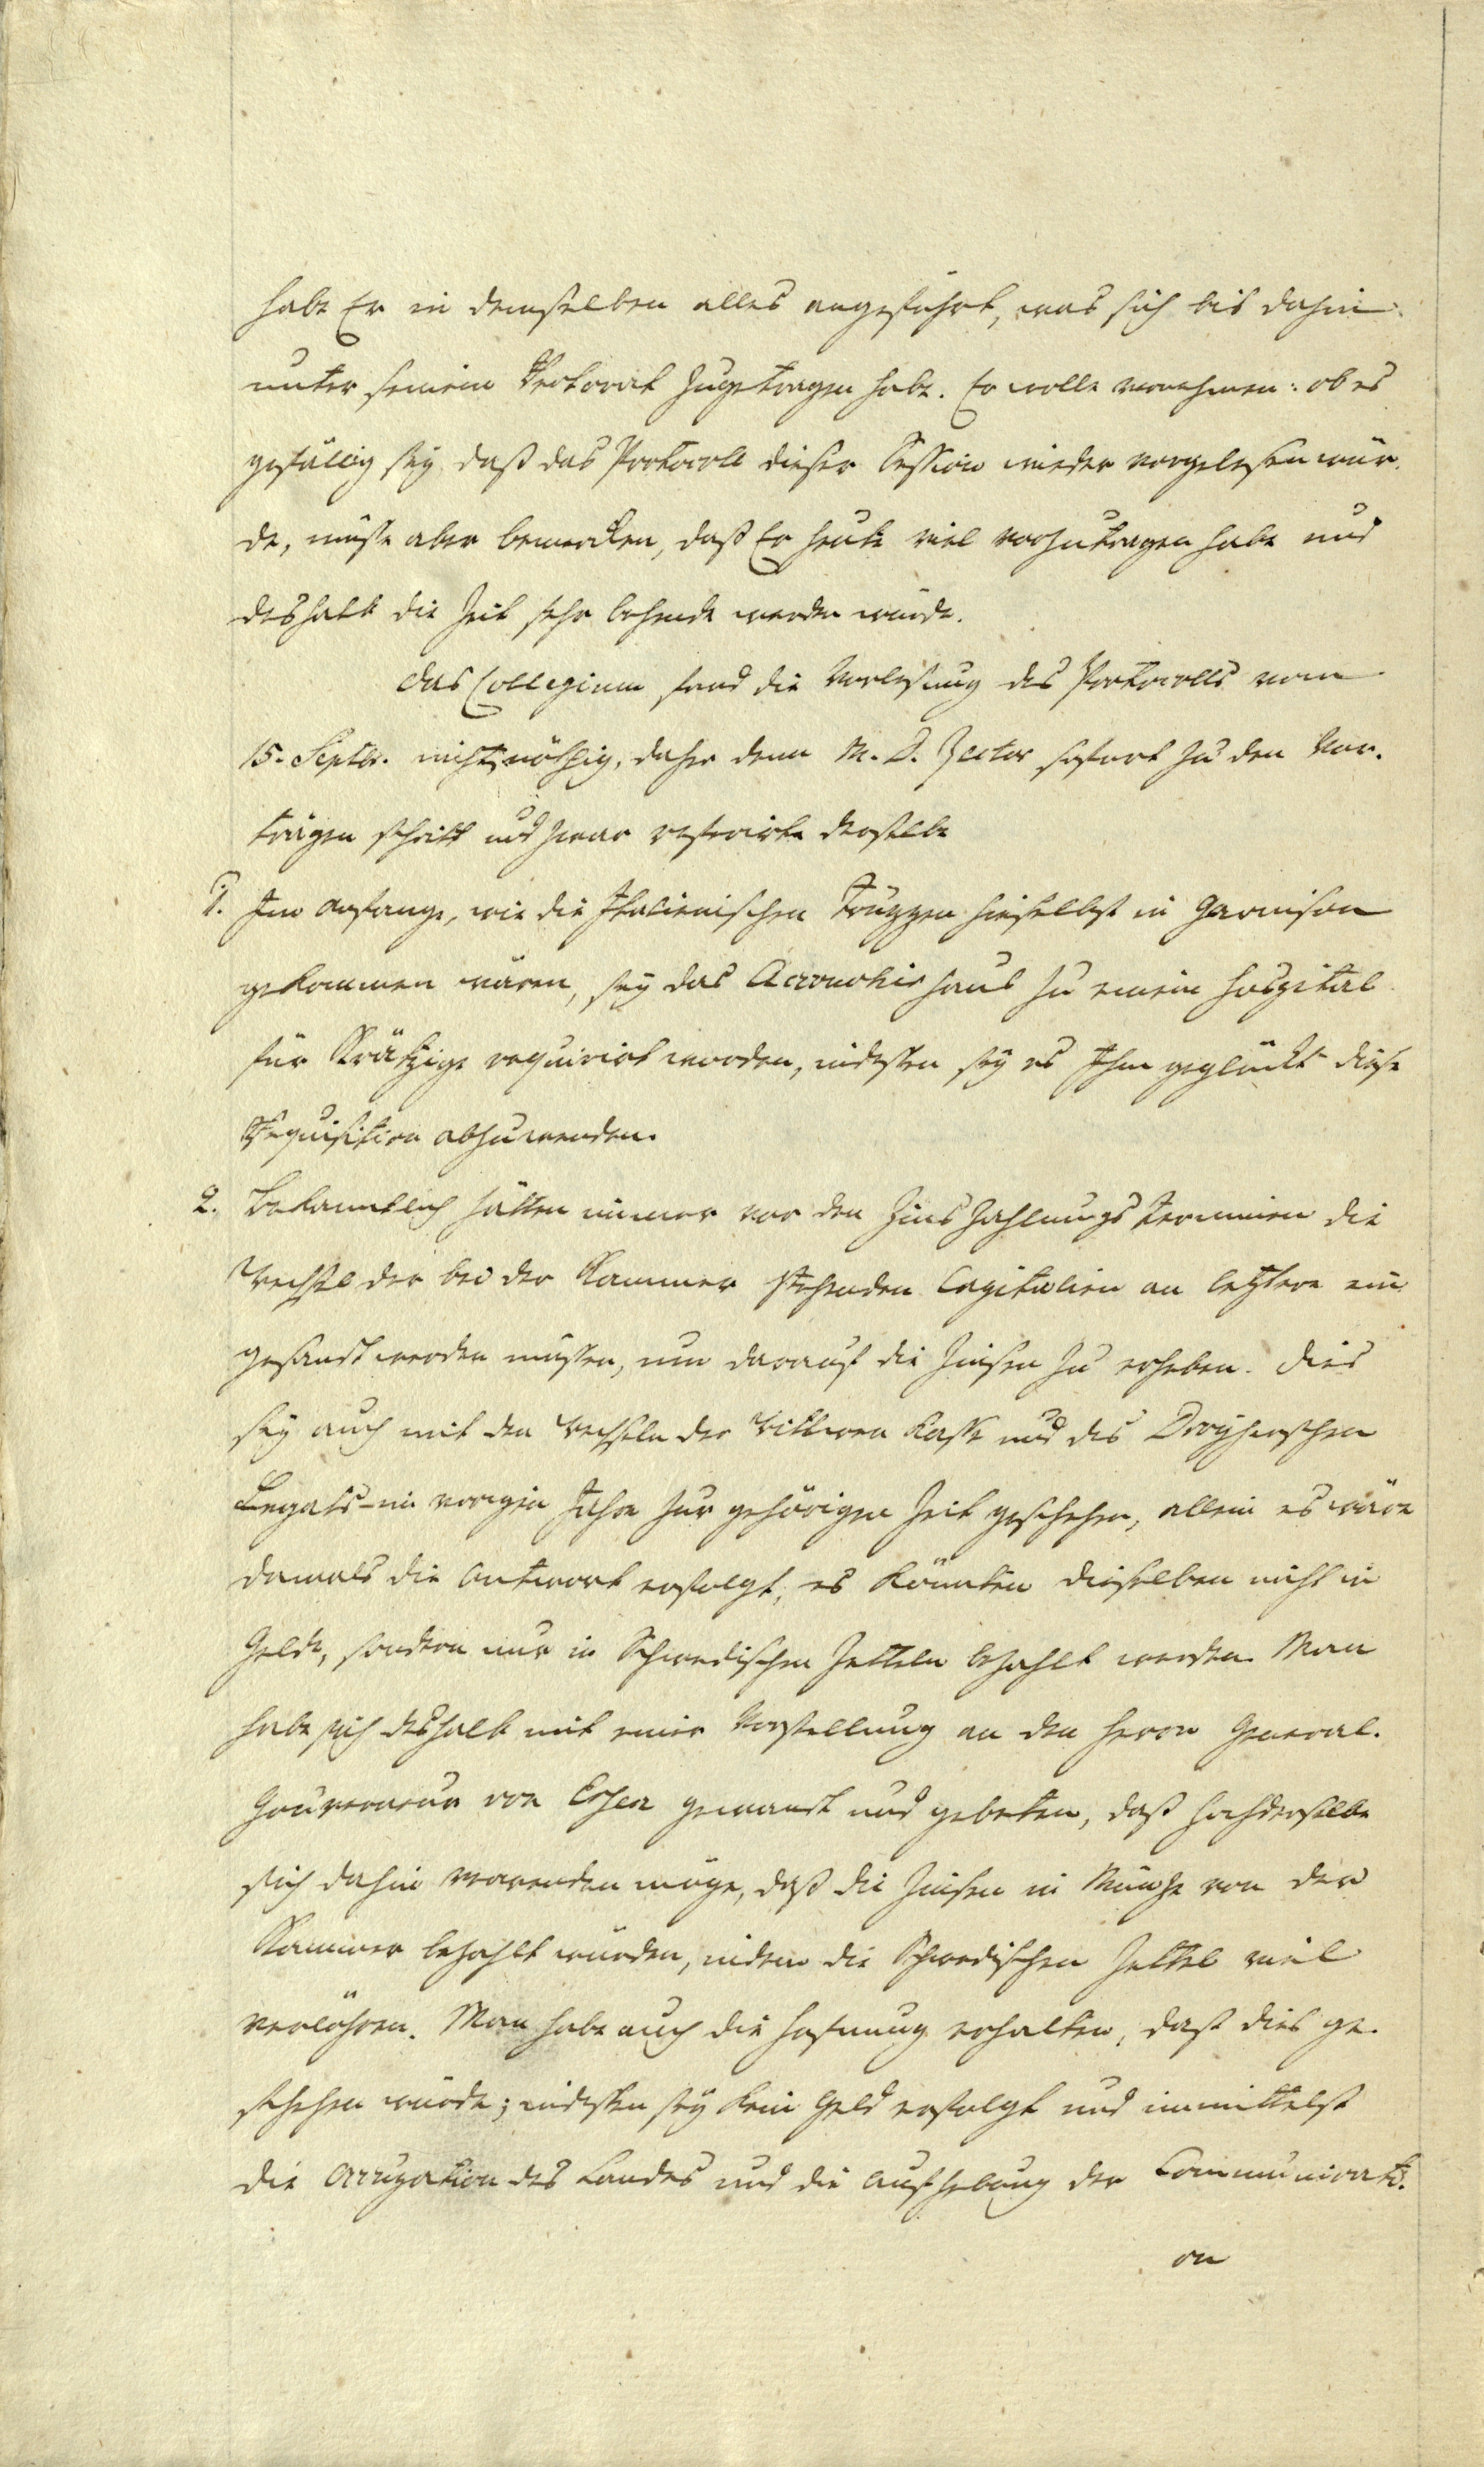habe Er in demselben alles angeführt, was sich bis dahin
unter seinem Rectorat zugetragen habe. Er wolle vornehmen: ob es
gefällig seÿ daß das Protocoll dieser Session wieder vorgelesen wür¬
de, müsse aber bemercken, daß Er heute viel vorzutragen habe und
deshalb die Zeit sehr behende werden würde.
Das Collegium fand die Vorlesung des Protocolls vom
15. Septbr. nichtnöthig, daher denn M. D. Rector sofort zu den Vor¬
trägen schritt und zwar referirte derselbe
1. Im Anfange, wie die Italienischen Truppen hieselbst in Garnison
gekommen wären, seÿ das Accourhirhaus zu einem Hospital
für Krätzige requirirt worden, indessen seÿ es Ihm geglückt diese
Requisition abzuwenden.
2. Bekanntlich hätten immer vor den Zinszahlungsterminen die
Wechsel der bei der Kammer stehenden Capitalien an letztere ein¬
gesandt werden müssen, um darauf die Zinsen zu erheben. Dies
seÿ auch mit den Wechseln der Wittwen Casse und des Droÿsenschen
Legats im vorigen Jahre zur gehörigen Zeit geschehen, allein es wäre
damals die Antwort erfolgt, es könnten dieselben nicht in
Gelde, sondern nur in Schwedischen Zetteln bezahlt werden. Man
habe sich deshalb mit einer Vorstellung an den Herrn General
Gouverneur von Essen gewandt und gebeten, daß Hochderslbe
sich dahin verwenden möge, daß die Zinsen in Münze von der
Kammer bezahlt würden, indem die Schwedischen Zettel viel
verlöhren. Man habe auch die Hofnung erhalten, daß dies ge¬
schehen würde; indessen seÿ kein Geld erfolgt und immittelst
die Occupation des Landes und die Aufhebung der Communicati¬
on